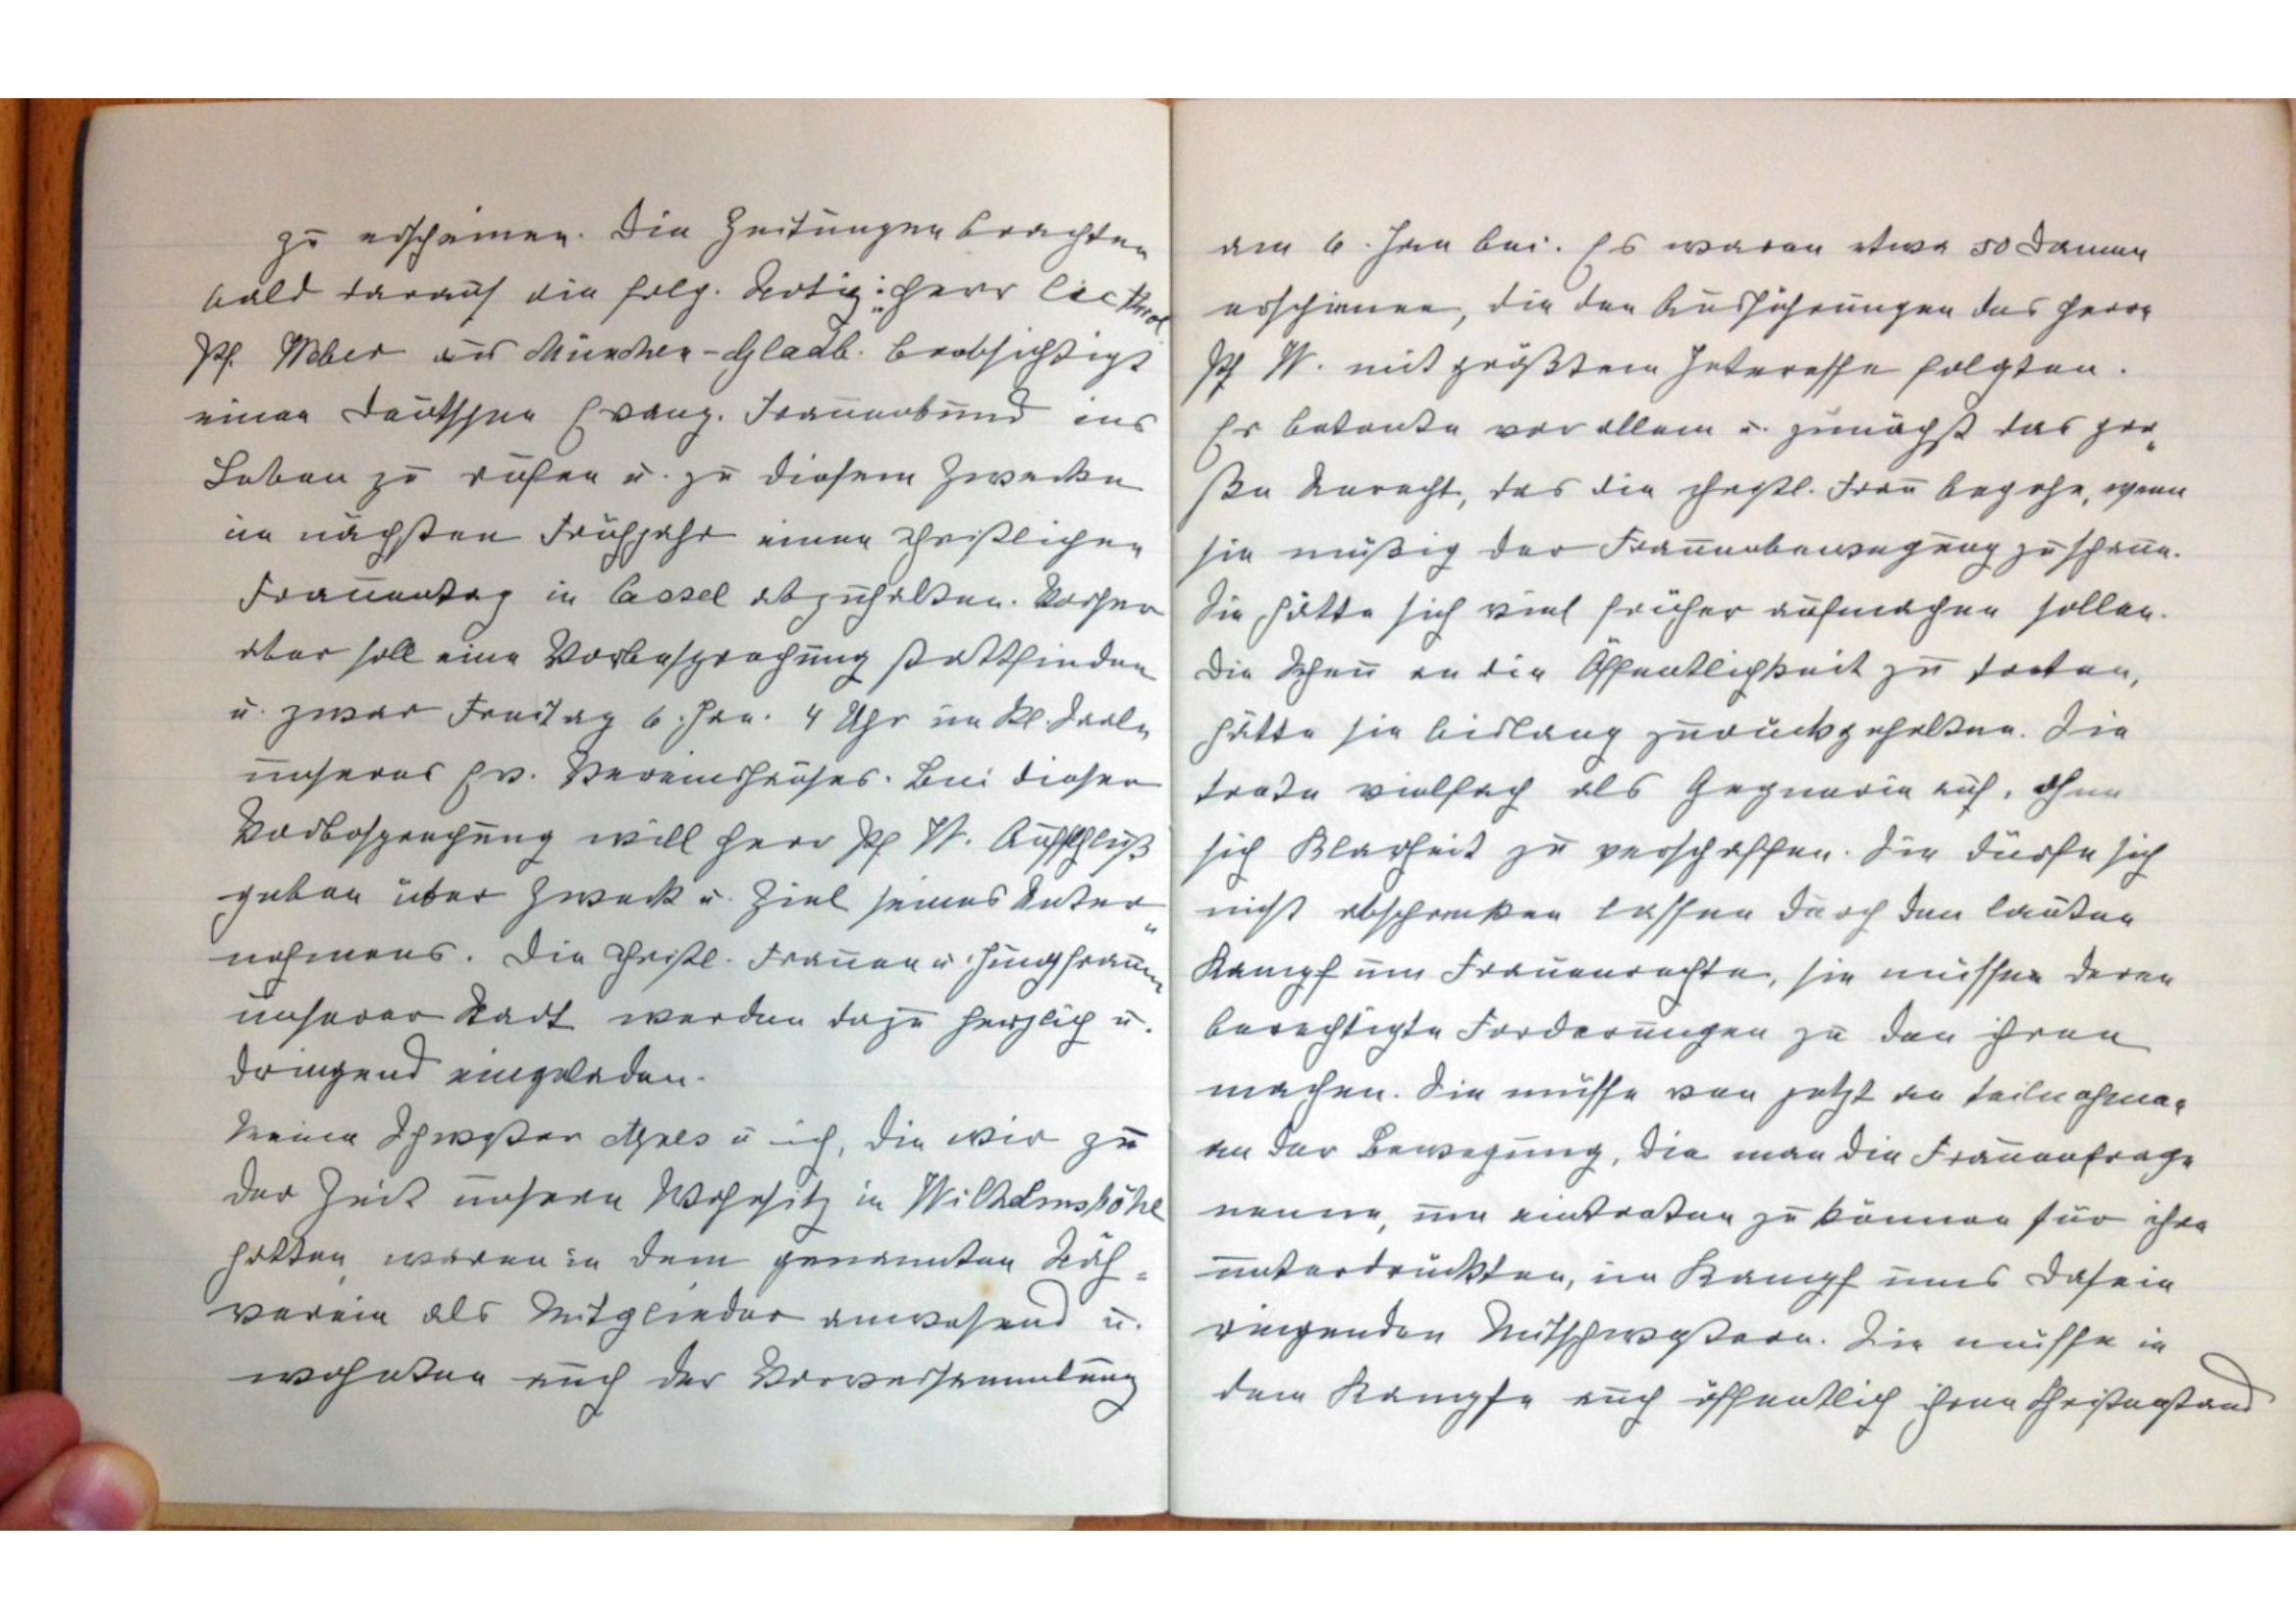zu erscheinen. Die Zeitungen brachten
bald darauf die folg. Notiz: „Herr lic. theol.
Pf. Weber aus München-Gladb. Beabsichtigt
einen deutschen Evang. Frauenbund ins
Leben zu rufen u. zu diesem Zwecke
Zwecke im nächsten Frühjahr einen christlichen
Frauentag in Cassel abzuhalten. Vorher
aber soll eine Vorbesprechung stattfinden
u. zwar Freitag 6. Jan. 4 Uhr im kl. Saale
unseres Ev. Vereinshauses. Bei dieser
Vorbesprechung will Herr Pf. W. Aufschluß
geben über Zweck u. Ziel seines Unter
nehmens. Die christl. Frauen und Jungfrauen
unserer Stadt wurden dazu herzlich u.
dringend eingeladen.
Meine Schwester Agnes u. ich, die wir zu
der Zeit unseren Wohnsitz in Wilhelmshöhe
hatten waren in dem genannten Näh
verein als Mitglieder anwesend u.
wohnten auch der Versammlung
am 6. Jan bei. Es waren etwa 50 Damen
erschienen, die den Ausführungen des Herrn
Pf. W. mit größtem Interesse folgten.
Er beteuerte vor allem u, zunächst das gro
ße Unrecht, das die christl. Frau begehe, wenn
wenn sie müßig der Frauenbewegung zuschaue.
Sie hätte sich mal früher aufmachen sollen.
Die Scheu an die Öffentlichkeit zu treten
hätte sie bislang zurück gehalten. Sie
trete vielfach als Gengerin auf, ohne
sich Klarheit zu verschaffen. Sie dürfe sich
nicht abschrecken lassen durch den lauten Kampf
um Frauenrechte. Sie müsse deren
berechtigte Forderungen zu den ihren
machen. Sie müsse von jetzt an teilnehmen
an der Bewegung, die man die Frauenfrage
nenne, um eintreten zu können für ihre
unterdrückten, im Kampf ums Dasein
ringenden Mitschwestern. Sie müsse in
dem Kampfe auch öffentlich ihren Christenstand